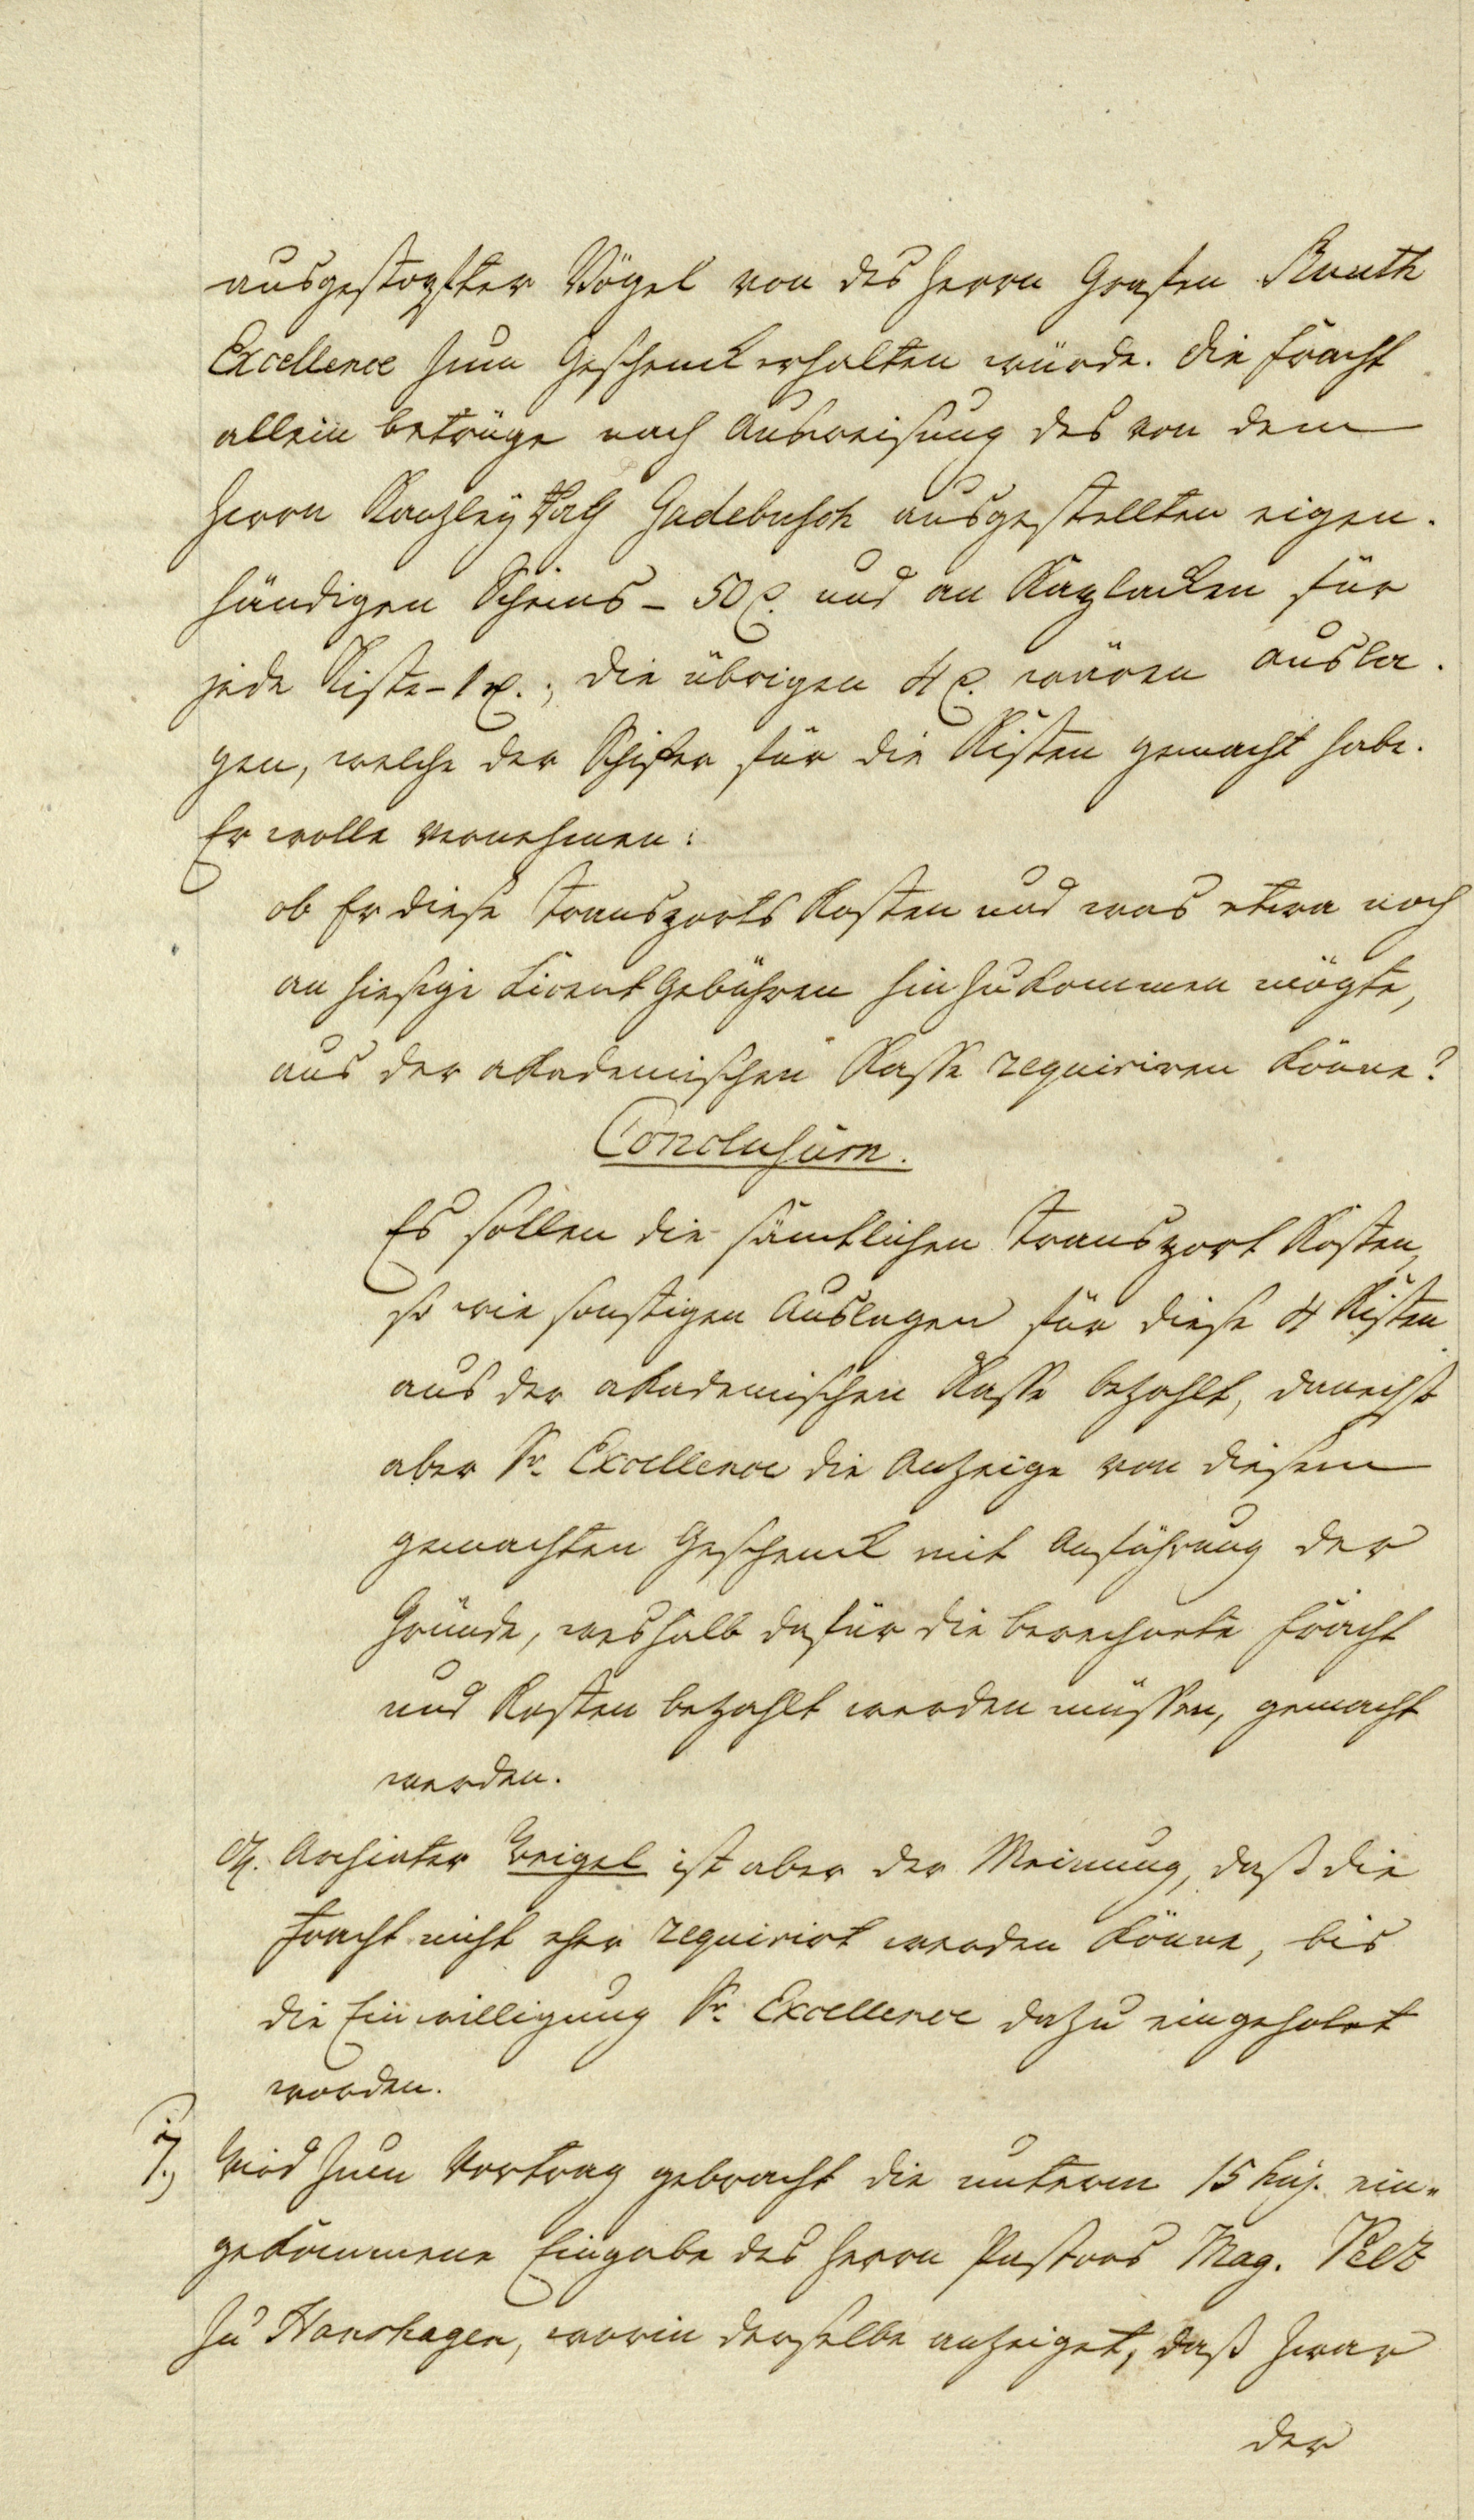ausgestopfter Vögel von des herrn Grafen Ruuth
Excellence zum Geschenck erhalten würde. Die Fracht
allein betrüge nach Ausweisung des von dem
herrn Kanzleÿ Rath Gadebusch ausgestellten eigen¬
händigen Scheins 50 l. und an Kaplacken für
jede Kiste 1 l., die übrigen 4 l. wären Ausla¬
gen, welche der Schifer für die Kisten gemacht habe.
Er wolle vernehmen:
ob Er diese Transports Kosten und was etwa noch
an hiesige Licent Gebühren hinzukommen mögte,
aus der akademischen Kasse requiriren könne!
Conclusum
Es sollen die sämtlichen Transport Kosten
so wie sonstigen Auslagen für diese 4 Kisten
aus der akademischen Kasse bezahlt, danechst
aber Sr. Excellence die Anzeige von diesem
gemachten Geschenck mit Anführung der
Gründe, weshalb dafür die berechnete Fracht
und Kosten bezahlt werden müssen, gemacht
werden.
dh. Archiater Weigel ist aber der Meinung, daß die
Fracht nicht eher requirirt werden könne, bis
die Einwilligung Sr. Excellence dazu eingeholet
worden.
7., Wird zum Vortrag gebracht die unterm 15. huj. ein¬
gekommene Eingabe des herrn Pastors Mag. Pelz
zu Hanshagen, worin derselbe anzeiget, daß zwar
der